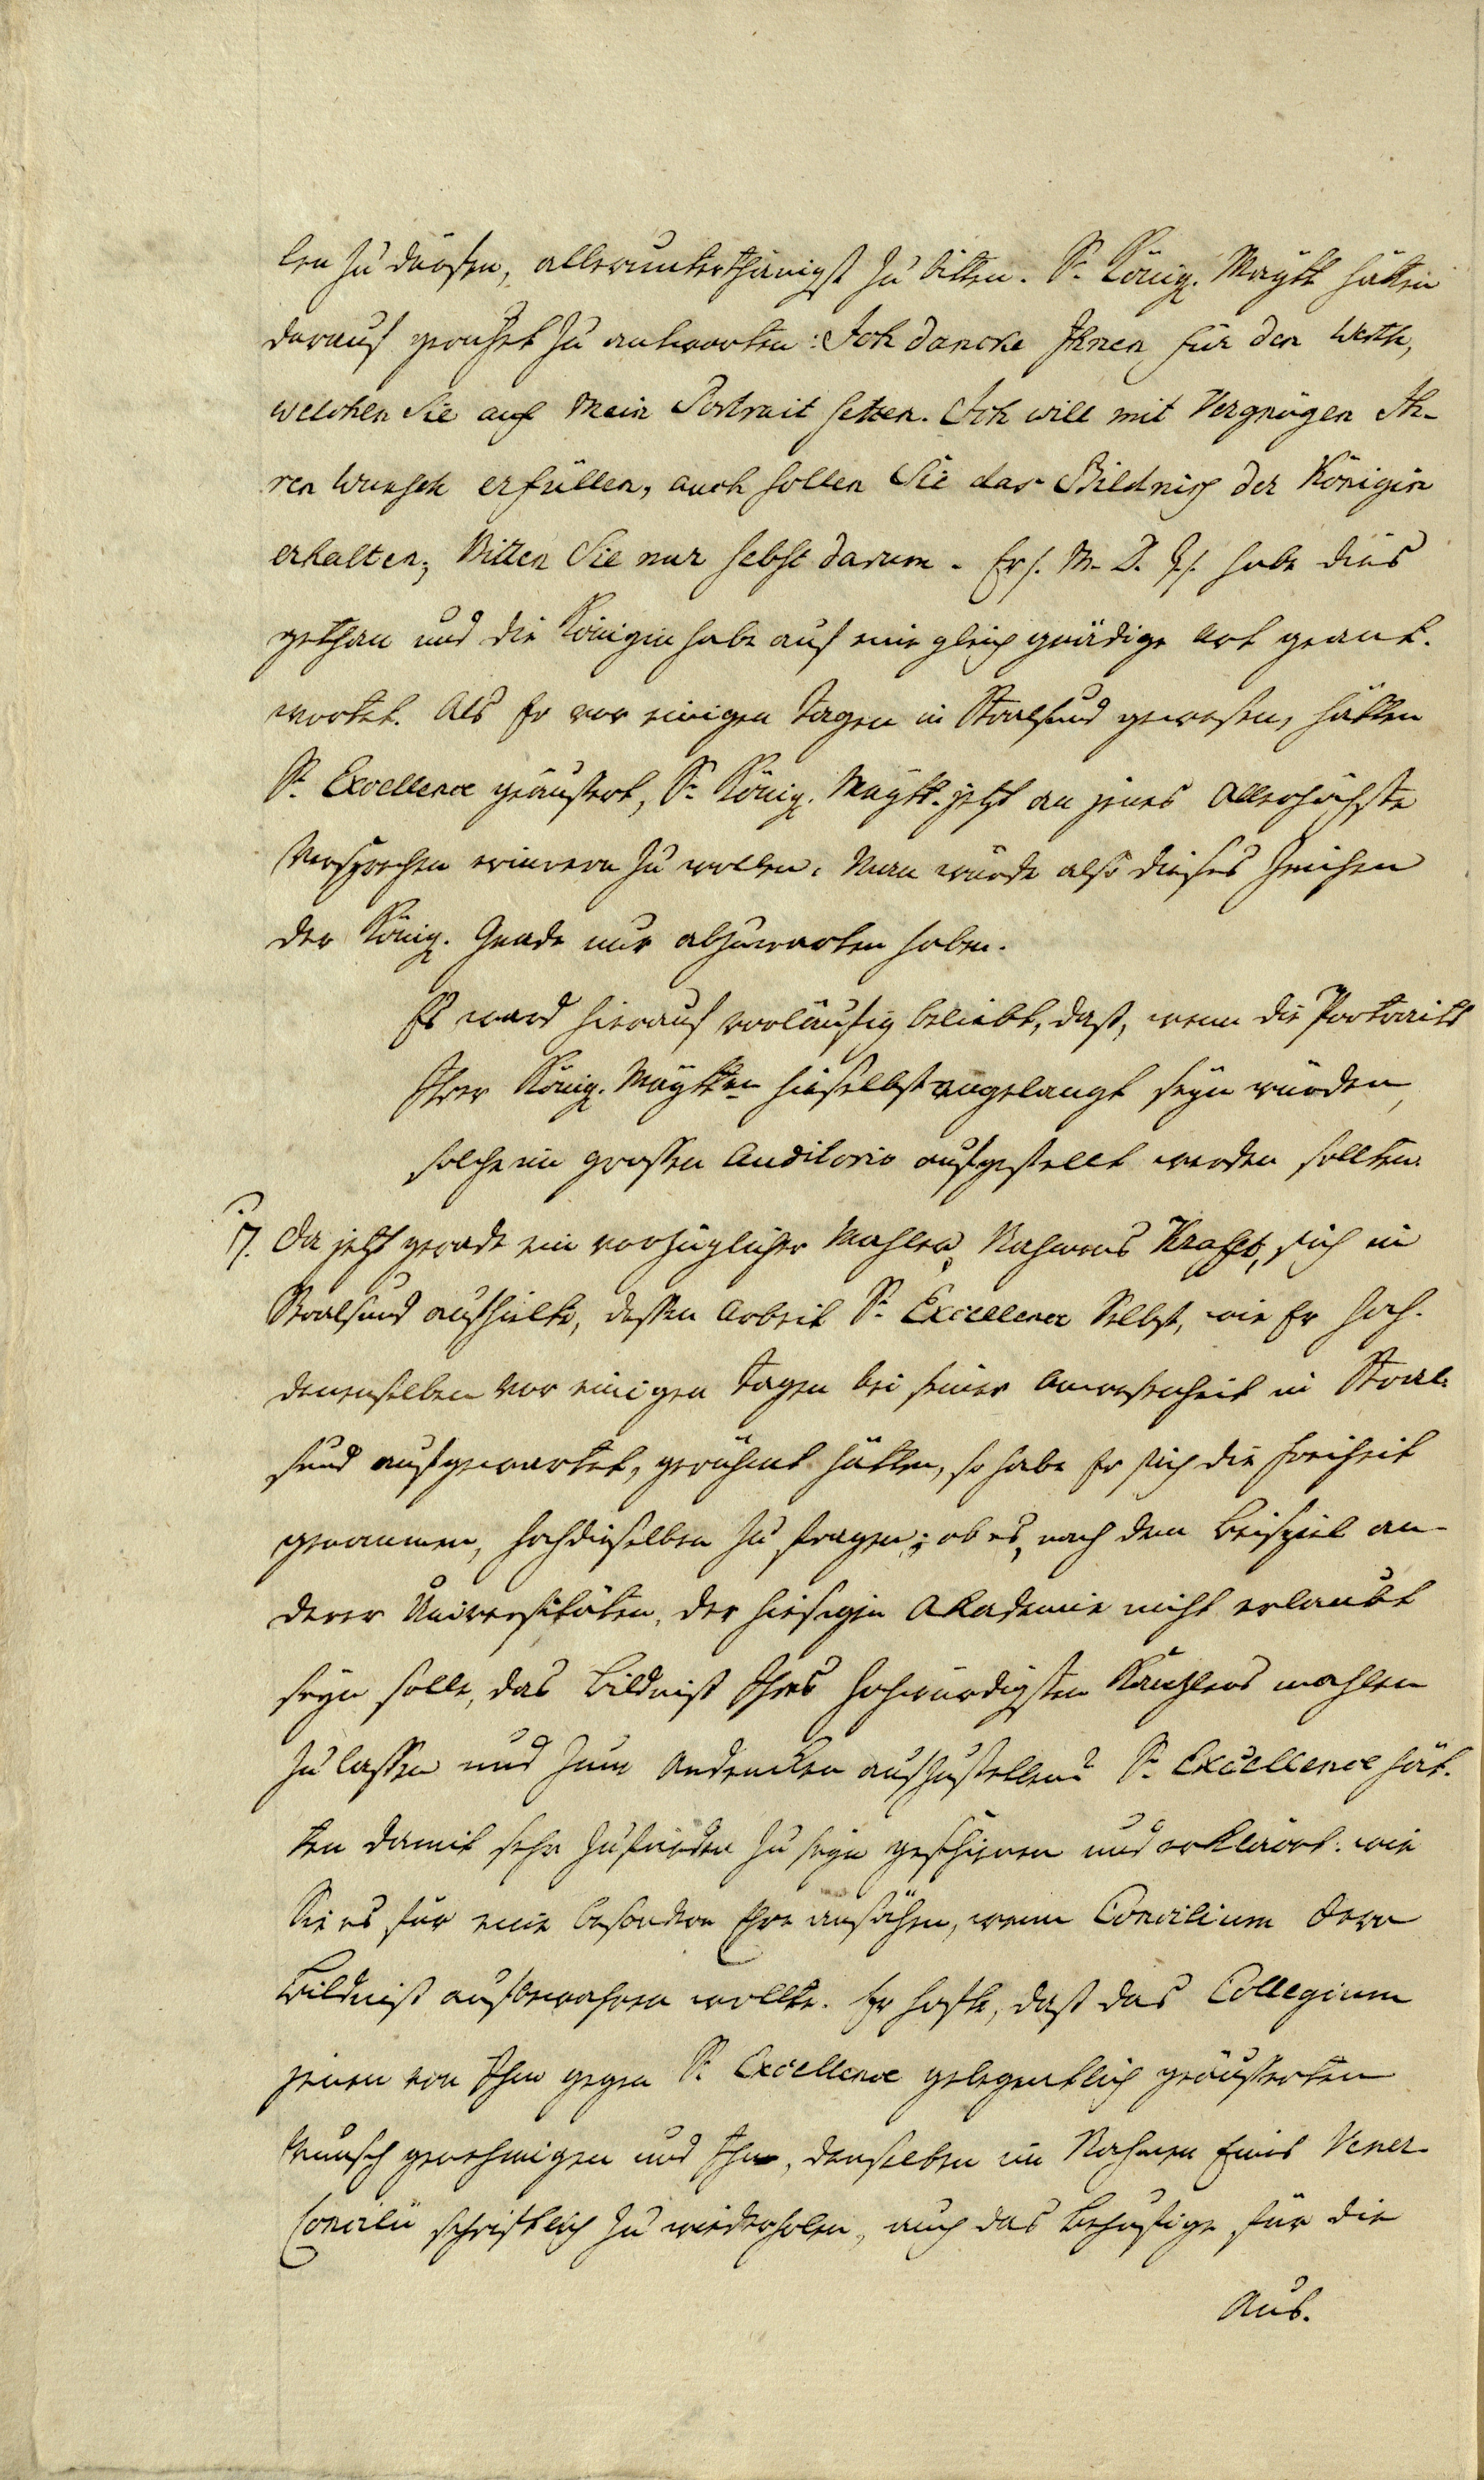len zu dürfen, allerunterthänigst zu bitten. Sr König. Maÿtt. haben
darauf geruhet zu antworten: Ich dancke Ihnen für den Werth,
welchen Sie auf Mein Portrait setzen. Ich will mit Vergnügen Ih¬
ren Wunsch erfüllen, auch sollen Sie das Bildniß der Königin
erhalten; Bitten Sie nur selbst darum. Er /. M. D. R./. habe dies
gethan und die Königin habe auf eine gleich gnädige Art geant¬
wortet. Als Er vor einigen Tagen in Stralsund gewesen, hätten
Sr. Excellence geäußert, Sr König. Maÿtt. jetzt an jenes Allerhöchste
Versprechen erinnern zu wollen. Man würde also dieses Zeichen
der Königl. Gnade nur abzuwarten haben.
Es ward hierauf vorläufig beliebt, daß, wenn die Portraits
Ihrer König. Maÿtten hieselbst angelangt seÿn würden,
solche im grossen Auditorio aufgestellt werden sollten.
7. Da jetzt gerade ein vorzüglichen Mahler, Nahmens Krafft, sich in
Stralsund aufhielte, dessen Arbeit Sr. Excellence Selbst, wie Er hoch¬
denenselben vor einigen Tagen bei seiner Anwesenheit in Stral¬
sund aufgewartet, gerühmt hätten, so habe Er sich die Freiheit
genommen, hochdieselben zu fragen: ob es, nach dem Beispiel an¬
derer Universitäten, der hiesigen Akademie nicht erlaubt
seÿn solle, das Bildniß Ihres hohwürdigsten Kanzlers mahlen
zu lassen und zum Andencken aufzustellen? Sr. Excellence hät¬
ten damit sehr zufrieden zu seÿn geschienen und erklärt: wie
Sie es für eine besondere Ehre ansähen, wenn Concilium Dero
Bildniß aufbewahrten wollte. Er hofte, daß das Collegium
jenen von Ihm gegen Sr Excellence gelegentlich geäusserten
Wunsch genehmigen und Ihn, denselben im Nahmen Eines Vener.
Concilii schriftlich zu wiederholen, auch das Behufige für die
Aus